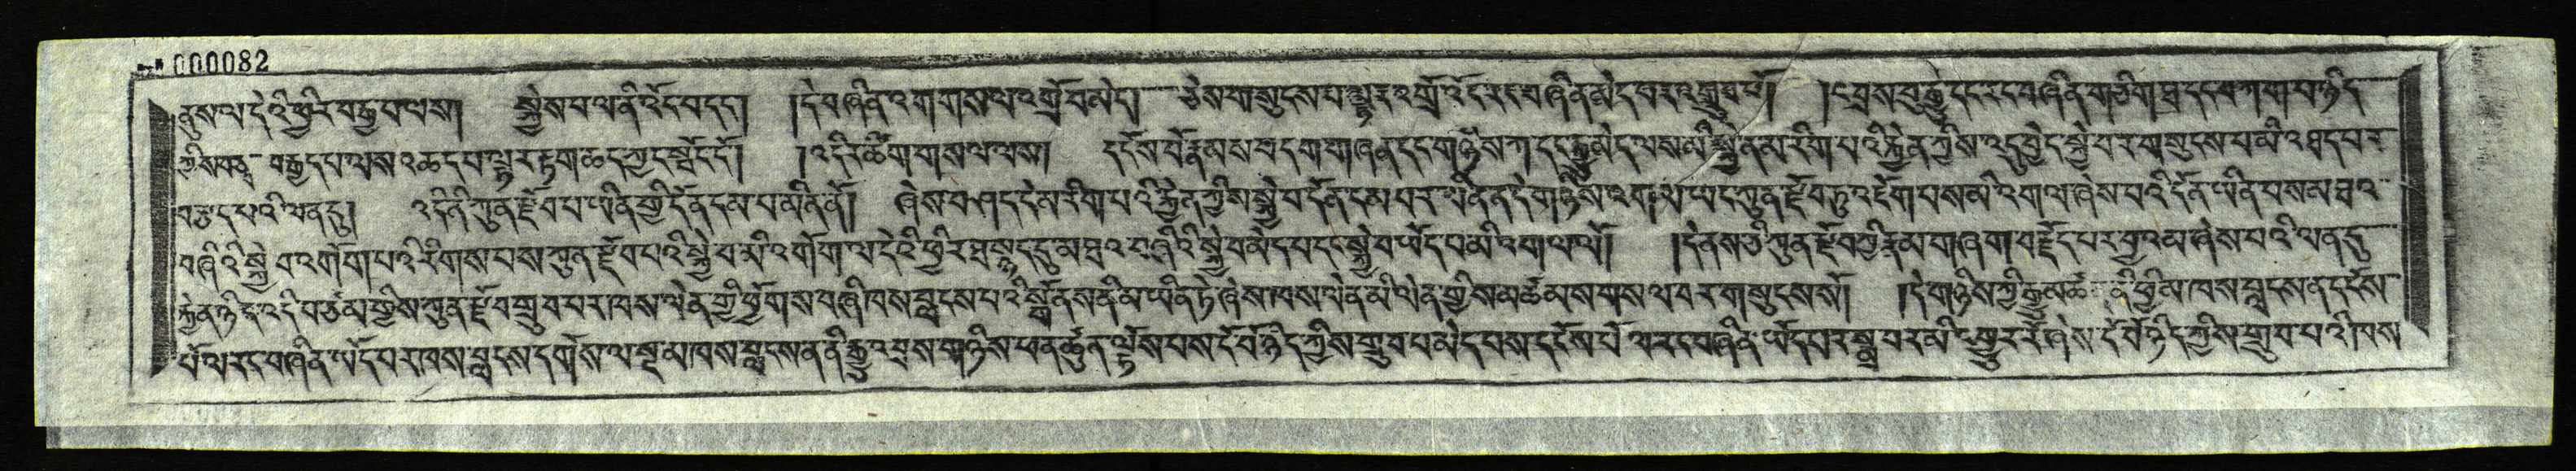ནུས་ལ་དེའི་ཕྱིར་བརྒྱ་བ་ལས། སྐྱེས་པ་ལ་ནི་འོང་བ་དང་། །དེ་བཞིན་འགགས་ལ་འགྲོ་བ་མེད། ཅེས་གསུངས་པ་ལྟར་འགྲོ་འོང་རང་བཞིན་མེད་པར་འགྲུབ་པོ། །འབྲས་བུ་རྒྱུ་དང་རང་བཞིན་གཅིག་ཐ་དད་བཀག་པ་ཉིད་
ཀྱིས་བཅྭོ་བརྒྱད་པ་ལས་འཆད་པ་ལྟར་རྟག་ཆད་ཀྱང་སྤོང་ངོ། །འདིར་ཚིག་གསལ་ལས། དངོས་པོ་རྣམས་བདག་གཞན་དང་གཉིས་ཀ་དང་རྒྱུ་མེད་ལས་མི་སྐྱེ་ན་མ་རིག་པའི་རྐྱེན་གྱིས་འདུ་བྱེད་སྐྱེ་བར་གསུངས་པ་མི་འཐད་པར་
བརྩད་པའི་ལན་དུ། འདི་ནི་ཀུན་རྫོབ་པ་ཡིན་གྱི་དོན་དམ་པ་མིན་ནོ། ཞེས་བཤད་དེ་མ་རིག་པའི་རྐྱེན་གྱིས་སྐྱེ་བ་དོན་དམ་པར་ཡིན་ན་དེ་གཉིས་འགལ་ཡང་ཀུན་རྫོབ་ཏུ་འཇོག་པས་མི་འགལ་ཞེས་པའི་དོན་ཡིན་པས་མཐའ་
བཞིའི་སྐྱེ་བ་འགོག་པའི་རིགས་པས་ཀུན་རྫོབ་པའི་སྐྱེ་བ་མི་འགོག་ལ་དེའི་ཕྱིར་ཐ་སྙད་དུ་མཐའ་བཞིའི་སྐྱེ་བ་མེད་པ་དང་སྐྱེ་བ་ཡོད་པ་མི་འགལ་ལོ། །དེ་ནས་ཅི་ཀུན་རྫོབ་ཀྱི་རྣམ་གཞག་བརྗོད་པར་བྱའམ་ཞེས་པའི་ལན་དུ་
རྐྱེན་ཉིད་འདི་བ་ཙམ་གྱིས་ཀུན་རྫོབ་གྲུབ་པར་ཁས་ལེན་གྱི་ཕྱོགས་བཞི་ཁས་བླངས་པའི་སྒོ་ནས་ནི་མ་ཡིན་ཏེ་ཞེས་ཁས་ལེན་མི་ལེན་གྱིས་མཚམས་གསལ་བར་གསུངས་སོ། །དེ་གཉིས་ཀྱི་རྒྱུ་མཚན་ནི་ཕྱི་མ་ཁས་བླངས་ན་དངོས་
པོ་ལ་རང་བཞིན་ཡོད་པར་ཁས་བླངས་དགོས་ལ་སྔ་མ་ཁས་བླངས་ན་ནི་རྒྱུ་འབྲས་གཉིས་ཕན་ཚུན་ལྟོས་པས་ངོ་བོ་ཉིད་ཀྱིས་གྲུབ་པ་མེད་པས་དངོས་པོ་ལ་རང་བཞིན་ཡོད་པར་སྨྲ་བར་མི་འགྱུར་རོ་ཞེས་ངོ་བོ་ཉིད་ཀྱིས་གྲུབ་པའི་ཁས་